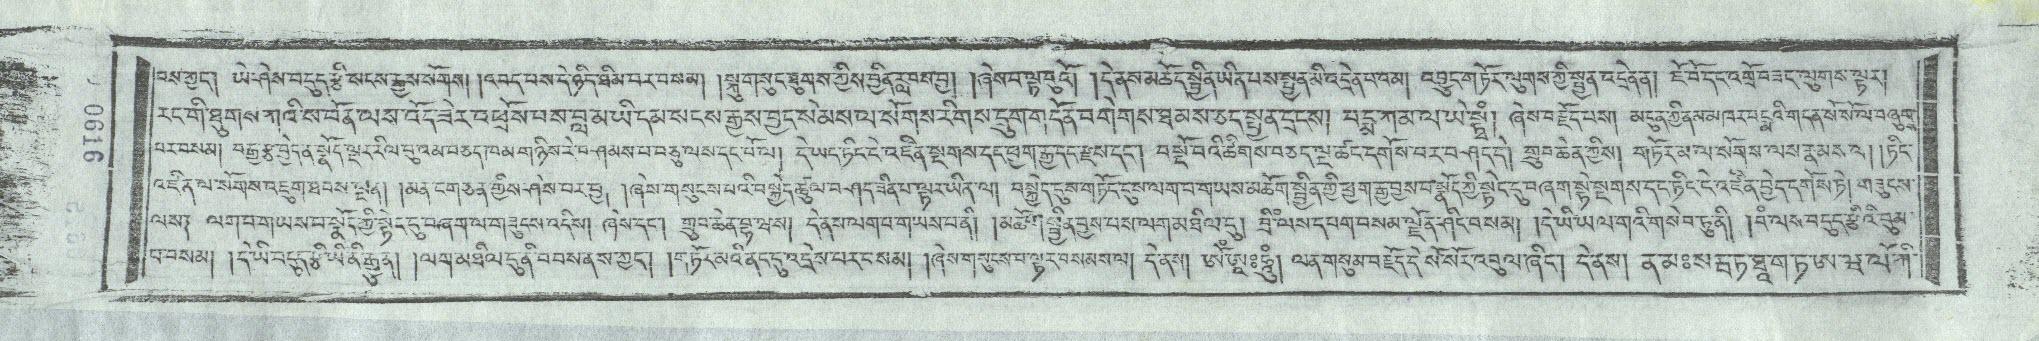བས་ཀྱང་། ཡེ་ཤེས་བདུད་རྩི་སངས་རྒྱས་སོགས། །འབད་པས་དེ་ཉིད་ཐིམ་པར་བསམ། །སྐུ་གསུང་ཐུགས་ཀྱིས་བྱིན་རླབས་བྱ། །ཞེས་བ་ལྟ་བུའོ། །དེ་ནས་མཆོད་སྦྱིན་ཡིན་པས་སྤྱན་མི་འདྲེན་པའམ། འབྱུང་གཏོར་ལུགས་ཀྱི་སྤྱན་འདྲེན་ན། ཇོ་བོ་དང་འགྲོ་བཟང་ལུགས་ལྟ་
རང་གི་ཐུགས་ཀའི་ས་བོན་ལས་འོད་ཟེར་འཕྲོས་པས་བླ་མ་ཡི་དམ་སངས་རྒྱས་བྱང་སེམས་ལ་སོགས་རིགས་དྲུག་གདོན་བགེགས་ཐམས་ཅད་སྤྱན་དྲངས། པདམ་ཀ་མ་ལ་ཡེ་སྟྭཾ། ཞེས་བརྗོད་པས། མདུན་ཀྱི་ནམ་མཁར་པདམའི་གདན་སོ་སོ་ལ་བཞུགས་
བར་བསམ། བརྒྱ་རྩ་བྱེད་ན་སྣོད་ལྔར་རིལ་བུའམ་བཅད་ཁམ་གཉིས་རེ་བཤམས་པ་བཅུ་ལས་དང་པོ་ལ། དེ་ཡང་ཏིང་ངེ་འཛིན་སྔགས་དང་ཕྱག་རྒྱ་དང་རྫས་དང་། བསྔོ་པའི་ཚིགས་བཅད་ལྔ་ཚང་དགོས་པར་བཤད་དེ། གྲུབ་ཆེན་ཀྱིས། གཏོར་མ་ལ་སོགས་ལས་རྣམས་ལ། །ཏིང་
འཛིན་ལ་སོགས་འཇུག་ཐབས་ལྡན། །མན་ངག་ཅན་གྱིས་ཤེས་བར་བྱ། །ཞེས་གསུངས་པའི་བསྐྱེད་ཚུལ་བཤད་ཟིན་པ་ལྟར་ཡིན་ལ། བསྐྱེད་དུས་གཏོང་དུས་ལག་པ་གཡས་མཆོག་སྦྱིན་གྱི་ཕྱག་རྒྱ་བྱས་བ་སྣོད་ཀྱི་སྟེང་དུ་བཞག་སྟེ་སྔགས་དང་ཏིང་ངེ་འཛིན་བྱེད་དགོས་ཏེ། གཟུངས་
ལས༑ ལག་པ་གཡས་པ་སྣོད་ཀྱི་སྟེང་དུ་བཞག་ལ་གཟུངས་འདིས། ཞེས་དང་། གྲུབ་ཆེན་བྷ་ཝས། དེ་ནས་ལག་པ་གཡས་པ་ནི། །མཆོག་སྦྱིན་བྱས་པས་ལག་མཐིལ་དུ། བྲིཾ་ལས་དཔག་བསམ་ལྗོན་ཤིང་བསམ། །དེ་ཡི་ཡལ་གའི་གསེབ་ཏུ་ནི། །བཾ་ལས་བདུད་རྩིའི་བུས་
པ་བསམ། །དེ་ཡི་བདུད་རྩིའི་མི་རྒྱུན། །ལག་མཐིལ་བུ་ནི་བབས་ནས་ཀྱང་། །གཏོར་མའི་ནང་དུ་འདྲེས་པར་བསམ། །ཞེས་གསུངས་པ་ལྟར་བསམ་པ་ལ། དེ་ནས། ཨོཾ་ཨཱཿ ཧཱུཾ། ལན་གསུམ་བརྗོད་དེ་སོ་སོར་འབུལ་ཞིང་། དེ་ནས། ན་མཿ སརྦ་ཏ་ཐཱ་ག་ཏ་ཨ་ཝ་ལོ་ཀི་